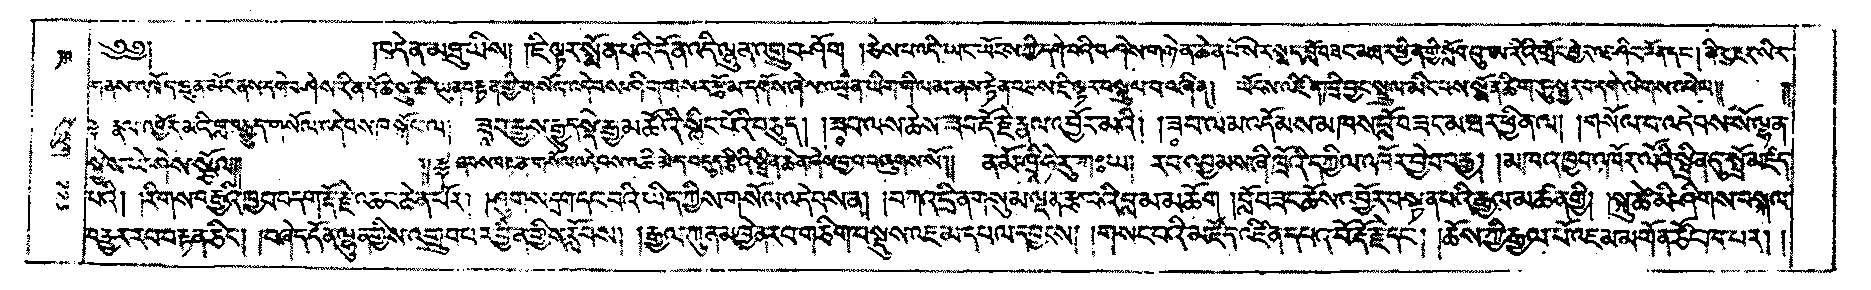༄༅། །བདེན་མཐུ་ཡིས། །ཇི་ལྟར་སྨོན་པའི་དོན་འདི་ལྷུན་འགྲུབ་ཤོག །ཅེས་པ་འདི་ཡང་ཡོངས་ཀྱི་དགེ་བའི་བཤེས་གཉེན་ཆེན་པོ་སེར་སྨད་བློ་བཟང་མཐར་ཕྱིན་གྱི་སློབ་བུ་ཨ་རིའི་གྲོང་ཁྱེར་ཝ་ཤིང་ཌོན་དང་། ནིའུ་རྔར་སིར་
གནས་འཁོད་ཐུན་མོང་ནས་དགེ་བཤེས་རིན་པོ་ཆེ་སྐུ་ཚེ་ཡུན་བརྟན་གྱི་གསོལ་འདེབས་ཤིག་གསར་རྩོམ་དགོས་ཞེས་འཕྲིན་ཡིག་གི་ལམ་ནས་རྟེན་བཅས་ཇི་ལྟར་བསྐུལ་བ་བཞིན། ཡོངས་འཛིན་ཁྲི་བྱང་སྤྲུལ་མིང་པས་སྨོན་ཚིག་ཏུ་སྦྱར་བ་དགེ་ལེགས་འཕེལ།། །།
༈ རྣལ་འབྱོར་མའི་བླ་བརྒྱུད་གསོལ་འདེབས་ཁ་སྐོང་ལ། ཟབ྾་རྒྱས་རྒྱུད་སྡེ་རྒྱ་མཚོའི་སྙིང་པོའི་བཅུད། །ཟབ྾་ལས་ཆེས་ཟབ་རྡོ་རྗེ་རྣལ་འབྱོར་མའི། །ཟབ྾་ལམ་འདོམས་མཁས་བློ་བཟང་མཐར་ཕྱིན་ལ། །གསོལ་བ་འདེབས་སོ་ལྷན་
སྐྱེས་ཡེ་ཤེས་སྩོལ།། །། ༈ ཞབས་བརྟན་གསོལ་འདེབས་འཆི་མེད་བདུད་རྩིའི་སྤྲིན་ཆེན་ཞེས་བྱ་བ་བཞུགས་སོ།  །ན་མོ་ཤྲཱི་ཧེ་རུ་ཀཿ ཡ། རབ་འབྱམས་ཞི་ཁྲོའི་དཀྱིལ་འཁོར་བྱེ་བ་བརྒྱ། །མཁའ་ཁྱབ་འཁོར་ལོའི་སྤྲིན་དུ་སྤྲོ་མཛད་
པའི། །རིགས་བརྒྱའི་ཁྱབ་བདག་རྡོ་རྗེ་འཆང་ཆེན་པོར། །ཤུགས་དྲག་དང་བའི་ཡིད་ཀྱིས་གསོལ་འདེབས་ན། །བཀའ་དྲིན་གསུམ་ལྡན་རྩ་བའི་བླ་མ་མཆོག །བློ་བཟང་ཆོས་འབྱོར་བསྟན་པའི་རྒྱལ་མཚན་གྱི། །སྐུ་ཚེ་མི་ཤིགས་བསྐལ་
བརྒྱར་རབ་བརྟན་ཅིང་། །བཞེད་དོན་ལྷུན་གྱིས་འགྲུབ་པར་བྱིན་གྱིས་རློབས། །རྒྱལ་ཀུན་མཁྱེན་རབ་གཅིག་བསྡུས་འཇམ་དཔལ་དབྱངས། །གསང་བའི་མཛོད་འཛིན་དཔའ་བོ་རྡོ་རྗེ་དང་། །ཆོས་ཀྱི་རྒྱལ་པོ་འཇམ་མགོན་ཙོང་ཁ་པར། །